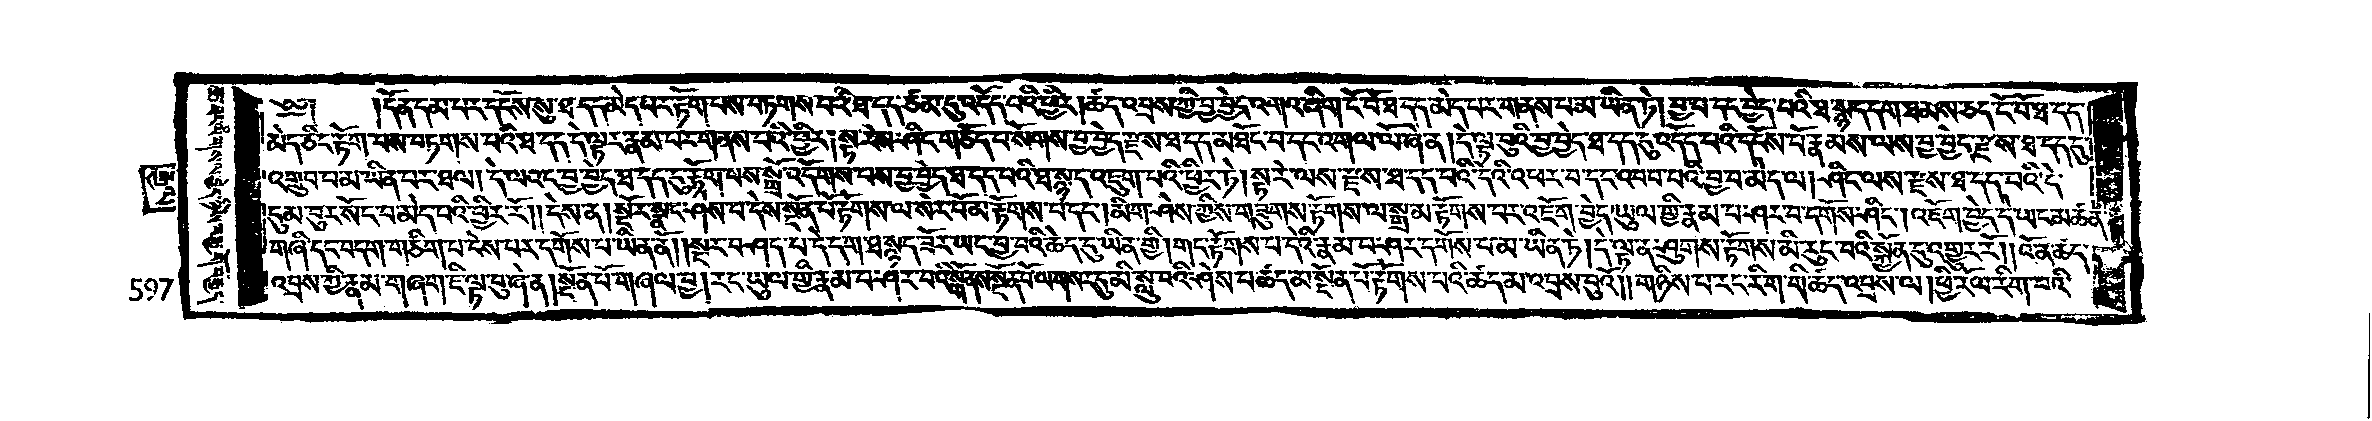༄༅། །དོན་དམ་པར་དངོས་སུ་ཐ་དད་མེད་པར་རྟོག་པས་བཏགས་པའི་ཐ་དད་ཙམ་དུ་འདོད་པའི་ཕྱིར། ཚད་འབྲས་ཀྱི་བྱ་བྱེད་འགའ་ཞིག་ངོ་བོ་ཐ་དད་མེད་པར་གནས་པ་མ་ཡིན་ཏེ། བྱ་བ་དང་བྱེད་པའི་ཐ་སྙད་དག་ཐམས་ཅད་ངོ་བོ་ཐ་དད་
མེད་ཅིང་རྟོག་པས་བཏགས་པའི་ཐ་དད་དེ་ལྟར་རྣམ་པར་གནས་པའི་ཕྱིར། སྟ་?་རེས་ཤིང་གཅོད་པ་སོགས་བྱ་བྱེད་རྫས་ཐ་དད་མཐོང་བ་དག་འགལ་ལོ་ཞེ་ན། དེ་ལྟ་བུའི་བྱ་བྱེད་ཐ་དད་དུ་འདོད་པའི་དངོས་པོ་རྣམས་ལས་བྱ་བྱེད་རྫས་ཐ་དད་དུ་
འགྲུབ་པ་མ་ཡིན་པ་ཐལ། དེ་ལའང་བྱ་བྱེད་ཐ་དད་དུ་རྟོགས་སྒྲོ་འདོགས་པས་བྱ་བྱེད་ཐ་དད་པའི་ཐ་སྙད་འཇུག་པའི་ཕྱིར་ཏེ། སྟ་?་རེ་ལས་རྫས་ཐ་དད་པའི་དེའི་འཕར་བ་དང་འབབ་པའི་བྱ་བ་མེད་ལ། ཤིང་ལས་རྫས་ཐ་དད་པའི་དེ་
དུམ་བུར་སོང་བ་མེད་པའི་ཕྱིར་རོ། །དེས་ན། སྔོར་སྣང་ཤེས་པ་དེས་སྔོན་པོ་རྟོགས་ལ་སེར་པོ་མ་རྟོགས་པ་དང་། མིག་ཤེས་ཀྱིས་གཟུགས་རྟོགས་ལ་སྒྲ་མ་རྟོགས་པར་འཇོག་བྱེད་ཡུལ་གྱི་རྣམ་པ་ཤར་པ་དགོས་ཤིང་། འཇོག་བྱེད་དེ་ཡང་མཚན་
གཞི་དང་བདག་གཅིག་པ་ངེས་པར་དགོས་པ་ཡིན་ནོ། །སྔར་བཤད་པ་དེ་དག་ཐ་སྙད་ཟེར་ཡང་བྱ་བའི་ཆེད་དུ་ཡིན་གྱི། གང་རྟོགས་པ་དེའི་རྣམ་པ་ཤར་དགོས་པ་མ་ཡིན་ཏེ། དེ་ལྟ་ན་ཤུགས་རྟོགས་མི་རུང་བའི་སྐྱོན་དུ་འགྱུར་རོ། །འོ་ན་ཚད་
འབྲས་ཀྱི་རྣམ་གཞག་ཇི་ལྟ་བུ་ཞེ་ན། སྔོན་པོ་གཞལ་བྱ། རང་ཡུལ་གྱི་རྣམ་པ་ཤར་བའི་སྒོ་ནས་སྔོན་པོ་ལ་གསར་དུ་མི་སླུ་བའི་ཤེས་པ་ཚད་མ་སྔོན་པོ་རྟོགས་པའི་ཚད་མ་འབྲས་བུའོ། །གཉིས་པ་རང་རིག་གི་ཚད་འབྲས་ལ། ཕྱི་རོལ་རིག་པའི་